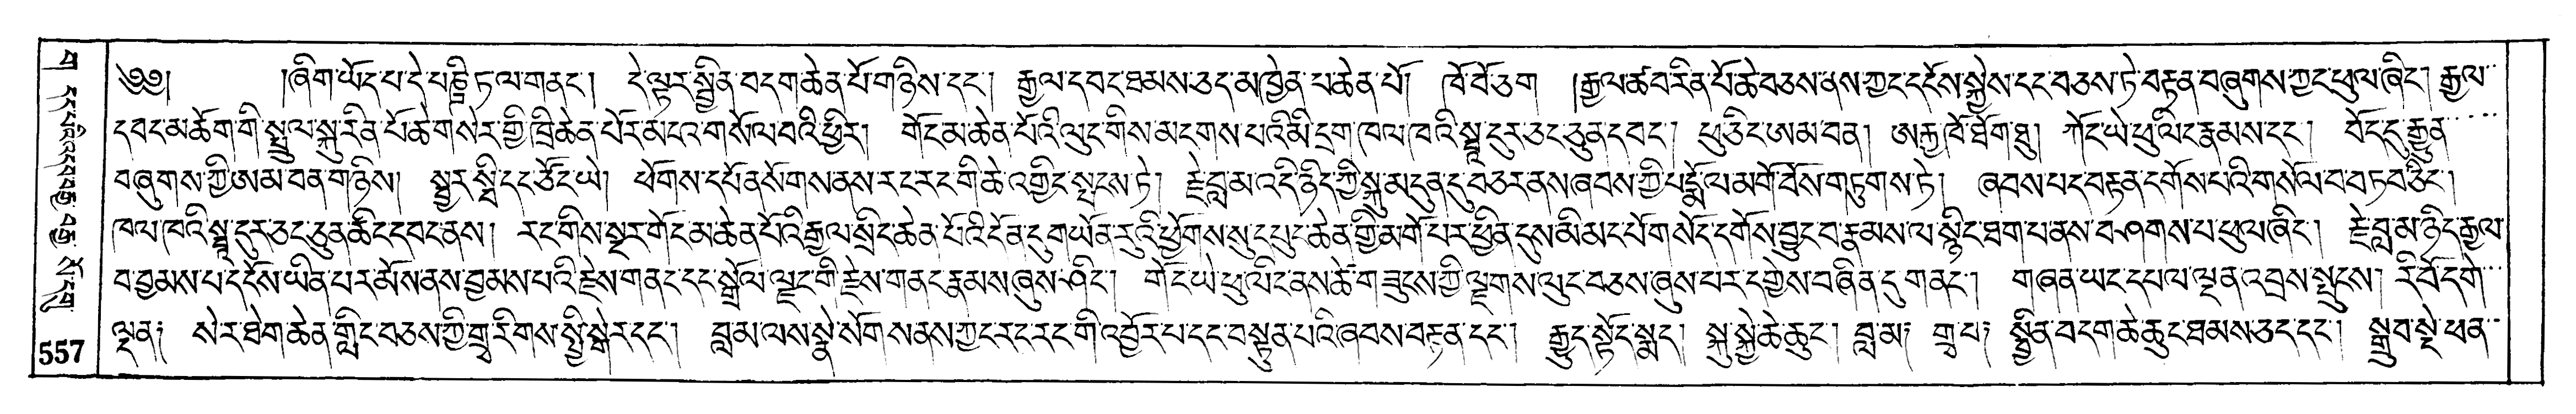༄༅། །ཞིག་ཡོད་པ་དེ་པཎྜི་ཏ་ལ་གནང་། དེ་ལྟར་སྦྱིན་བདག་ཆེན་པོ་གཉིས་དང་། རྒྱལ་དབང་ཐམས་ཅད་མཁྱེན་པ་ཆེན་པོ། ཁོ་བོ་ཅག །རྒྱལ་ཚབ་རིན་པོ་ཆེ་བཅས་ནས་ཀྱང་དངོས་སྐྱེས་དང་བཅས་ཏེ་བརྟན་བཞུགས་ཀྱང་ཕུལ་ཞིང་། རྒྱལ་
དབང་མཆོག་གི་སྤྲུལ་སྐུ་རིན་པོ་ཆེ་གསེར་གྱི་ཁྲི་ཆེན་པོར་མངའ་གསོལ་བའི་ཕྱིར། གོང་མ་ཆེན་པོའི་ལུང་གིས་མངགས་པའི་མི་དྲག་ཁལ་ཁའི་སྦའ་དུར་ཅང་ཅུན་དབང་། ཕུ་ཅིང་ཨམ་བན། ཨརྐྱ་ཁོ་ཐོག་ཐུ། ཀོང་ཡེ་ཕུ་ལིད་རྣམས་དང་། བོད་དུ་རྒྱུན་
བཞུགས་ཀྱི་ཨམ་བན་གཉིས། སྦྱར་སྦི་དང་ཙོང་ཡེ། ཕོགས་དཔོན་སོགས་ནས་རང་རང་གི་ཆེ་འགྱིད་སྤངས་ཏེ། རྗེ་བླ་མ་འདི་ཉིད་ཀྱི་སྐུ་མདུན་དུ་བཅར་ནས་ཞབས་ཀྱི་པདམོ་ལ་མགོ་བོས་གཏུགས་ཏེ། ཞབས་པད་བརྟན་དགོས་པའི་གསོལ་བ་བཏབ་ཅིང་།
ཁལ་ཁའི་སྦཱ་དུར་ཅང་ཅུན་ཆིང་དབང་ནས། རང་གིས་སྡར་གོང་མ་ཆེན་པོའི་རྒྱལ་སྲིད་ཆེན་པོའི་དོན་དུ་གཡོན་རུའི་ཕྱོགས་སུ་དཔུང་ཆེན་གྱི་མགོ་པར་ཕྱིན་དུས་མི་མང་པོ་གསོད་དགོས་བྱུང་བ་རྣམས་ལ་སྙིང་ཐག་པ་ནས་བཤགས་པ་ཕུལ་ཞིང་། རྗེ་བླ་མ་ཉིད་རྒྱལ་
བ་བྱམས་པ་དངོས་ཡིན་པར་མོས་ནས་བྱམས་པའི་རྗེས་གནང་དང་སྒྲོལ་ལྗང་གི་རྗེས་གནང་རྣམས་ཞུས་ཤིང་། ཀོང་ཡེ་ཕུ་ལིང་ནས་ཚེ་གཟུངས་ཀྱི་ལྗགས་ལུང་བཅས་ཞུས་པར་དགྱེས་བཞིན་དུ་གནང་། གཞན་ཡང་དཔལ་ལྡན་འབྲས་སྤུངས། རི་བོ་དགེ་
ལྡན། སེ་ར་ཐེག་ཆེན་གླིང་བཅས་ཀྱི་གྲྭ་རིགས་སྤྱི་སྒེར་དང་། བླ་མ་ལས་སྣེ་སོགས་ནས་ཀྱང་རང་རང་གི་འབྱོར་པ་དང་བསྟུན་པའི་ཞབས་བརྟན་དང་། རྒྱུད་སྟོད་སྨད། སྐུ་སྐྱེ་ཆེ་ཆུང་། བླ་མ། གྲྭ་པ། སྦྱིན་བདག་ཆེ་ཆུང་ཐམས་ཅད་དང་། སྒྲུབ་སྡེ་ཕན་